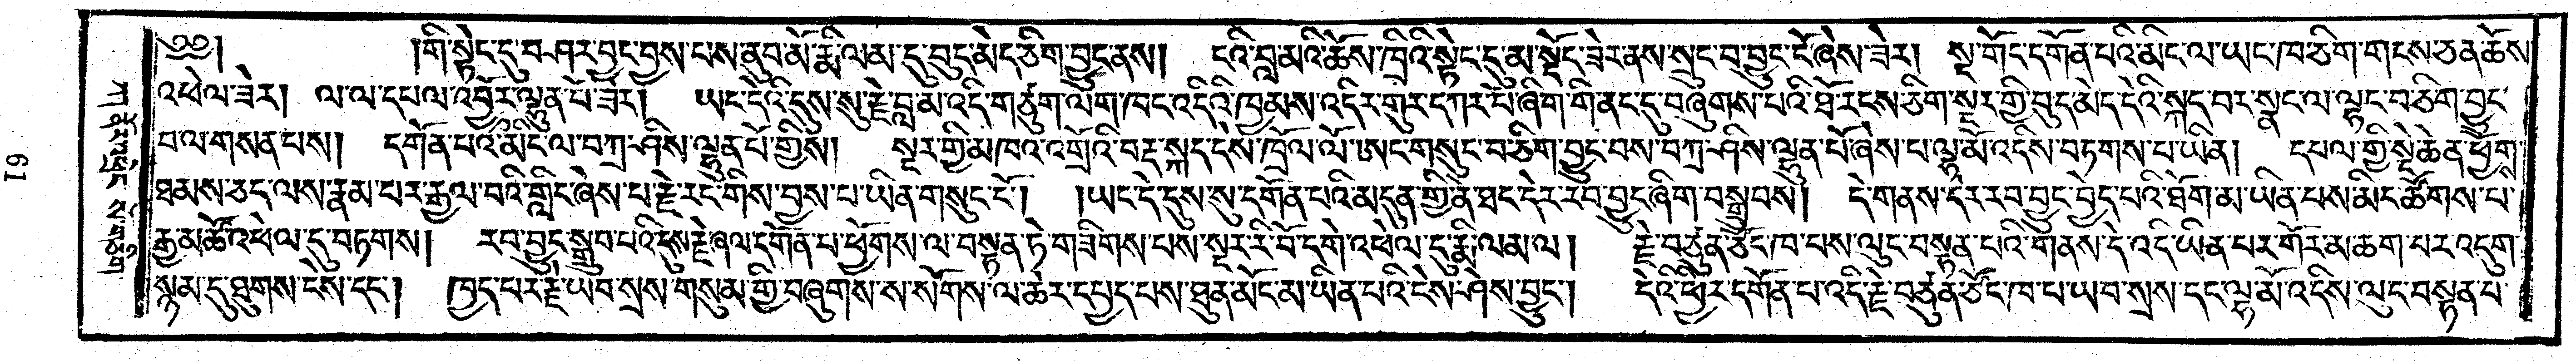༄༅། །གི་སྟེང་དུ་བཤར་བྱང་བྱས་པས་ནུབ་མོ་རྨི་ལམ་དུ་བུད་མེད་ཅིག་བྱུང་ནས། ངའི་བླ་མའི་ཆོས་ཁྲིའི་སྟེང་དུ་མ་སྡོད་ཟེར་ནས་སྲུང་བ་བྱུང་ངོ་ཞེས་ཟེར། སྔ་གོང་དགོན་པའི་མིང་ལ་ཡང་ཁ་ཅིག་གངས་ཅན་ཆོས་
འཕེལ་ཟེར། ལ་ལ་དཔལ་འབྱོར་ལྷུན་པོ་ཟེར། ཡང་དེའི་དུས་སུ་རྗེ་བླ་མ་འདི་གཙུག་ལག་ཁང་འདིའི་ཁྱམས་འདིར་གུར་དཀར་པོ་ཞིག་གི་ནང་དུ་བཞུགས་པའི་ཐོ་རངས་ཅིག་སྔར་གྱི་བུད་མེད་དེའི་སྐད་བར་སྣང་ལ་ལྷང་བ་ཅིག་བྱུང་
བ་ལ་གསན་པས། དགོན་པའི་མིང་ལ་བཀྲ་ཤིས་ལྷུན་པོ་གྱིས། སྔར་གྱི་མཁའ་འགྲོའི་བརྡ་སྐད་དེས་ཁྲོལ་ལོ་ཨང་གསུང་བ་ཅིག་བྱུང་བས་བཀྲ་ཤིས་ལྷུན་པོ་ཞེས་པ་ལྷ་མོ་འདིས་བཏགས་པ་ཡིན། དཔལ་གྱི་སྡེ་ཆེན་ཕྱོགས་
ཐམས་ཅད་ལས་རྣམ་པར་རྒྱལ་བའི་གླིང་ཞེས་པ་རྗེ་རང་གིས་བྱས་པ་ཡིན་གསུང་ངོ། །ཡང་དེ་དུས་སུ་དགོན་པའི་མདུན་གྱི་ནེ་ཐང་དེར་རབ་བྱུང་ཞིག་བསྒྲུབས། དེ་གནས་དེར་རབ་བྱུང་བྱེད་པའི་ཐོག་མ་ཡིན་པས་མིང་ཚོགས་པ་
རྒྱ་མཚོ་འཕེལ་དུ་བཏགས། རབ་བྱུང་སྒྲུབ་པའི་དུས་རྗེ་ཞལ་དགོན་པ་ཕྱོགས་ལ་བསྟན་ཏེ་གཟིགས་པས་སྔར་རི་བོ་དགེ་འཕེལ་དུ་རྨི་ལམ་ལ། རྗེ་བཙུན་ཙོང་ཁ་པས་ལུང་བསྟན་པའི་གནས་དེ་འདི་ཡིན་པར་གོར་མ་ཆག་པར་འདུག་
སྙམ་དུ་ཐུགས་ངེས་དང་། ཁྱད་པར་རྗེ་ཡབ་སྲས་གསུམ་གྱི་བཞུགས་ས་སོགས་ལ་ཆེར་དཔྱད་པས་ཐུན་མོང་མ་ཡིན་པའི་ངེས་ཤེས་བྱུང་། དེའི་ཕྱིར་དགོན་པ་འདི་རྗེ་བཙུན་ཙོང་ཁ་པ་ཡབ་སྲས་དང་ལྷ་མོ་འདིས་ལུང་བསྟན་པ་